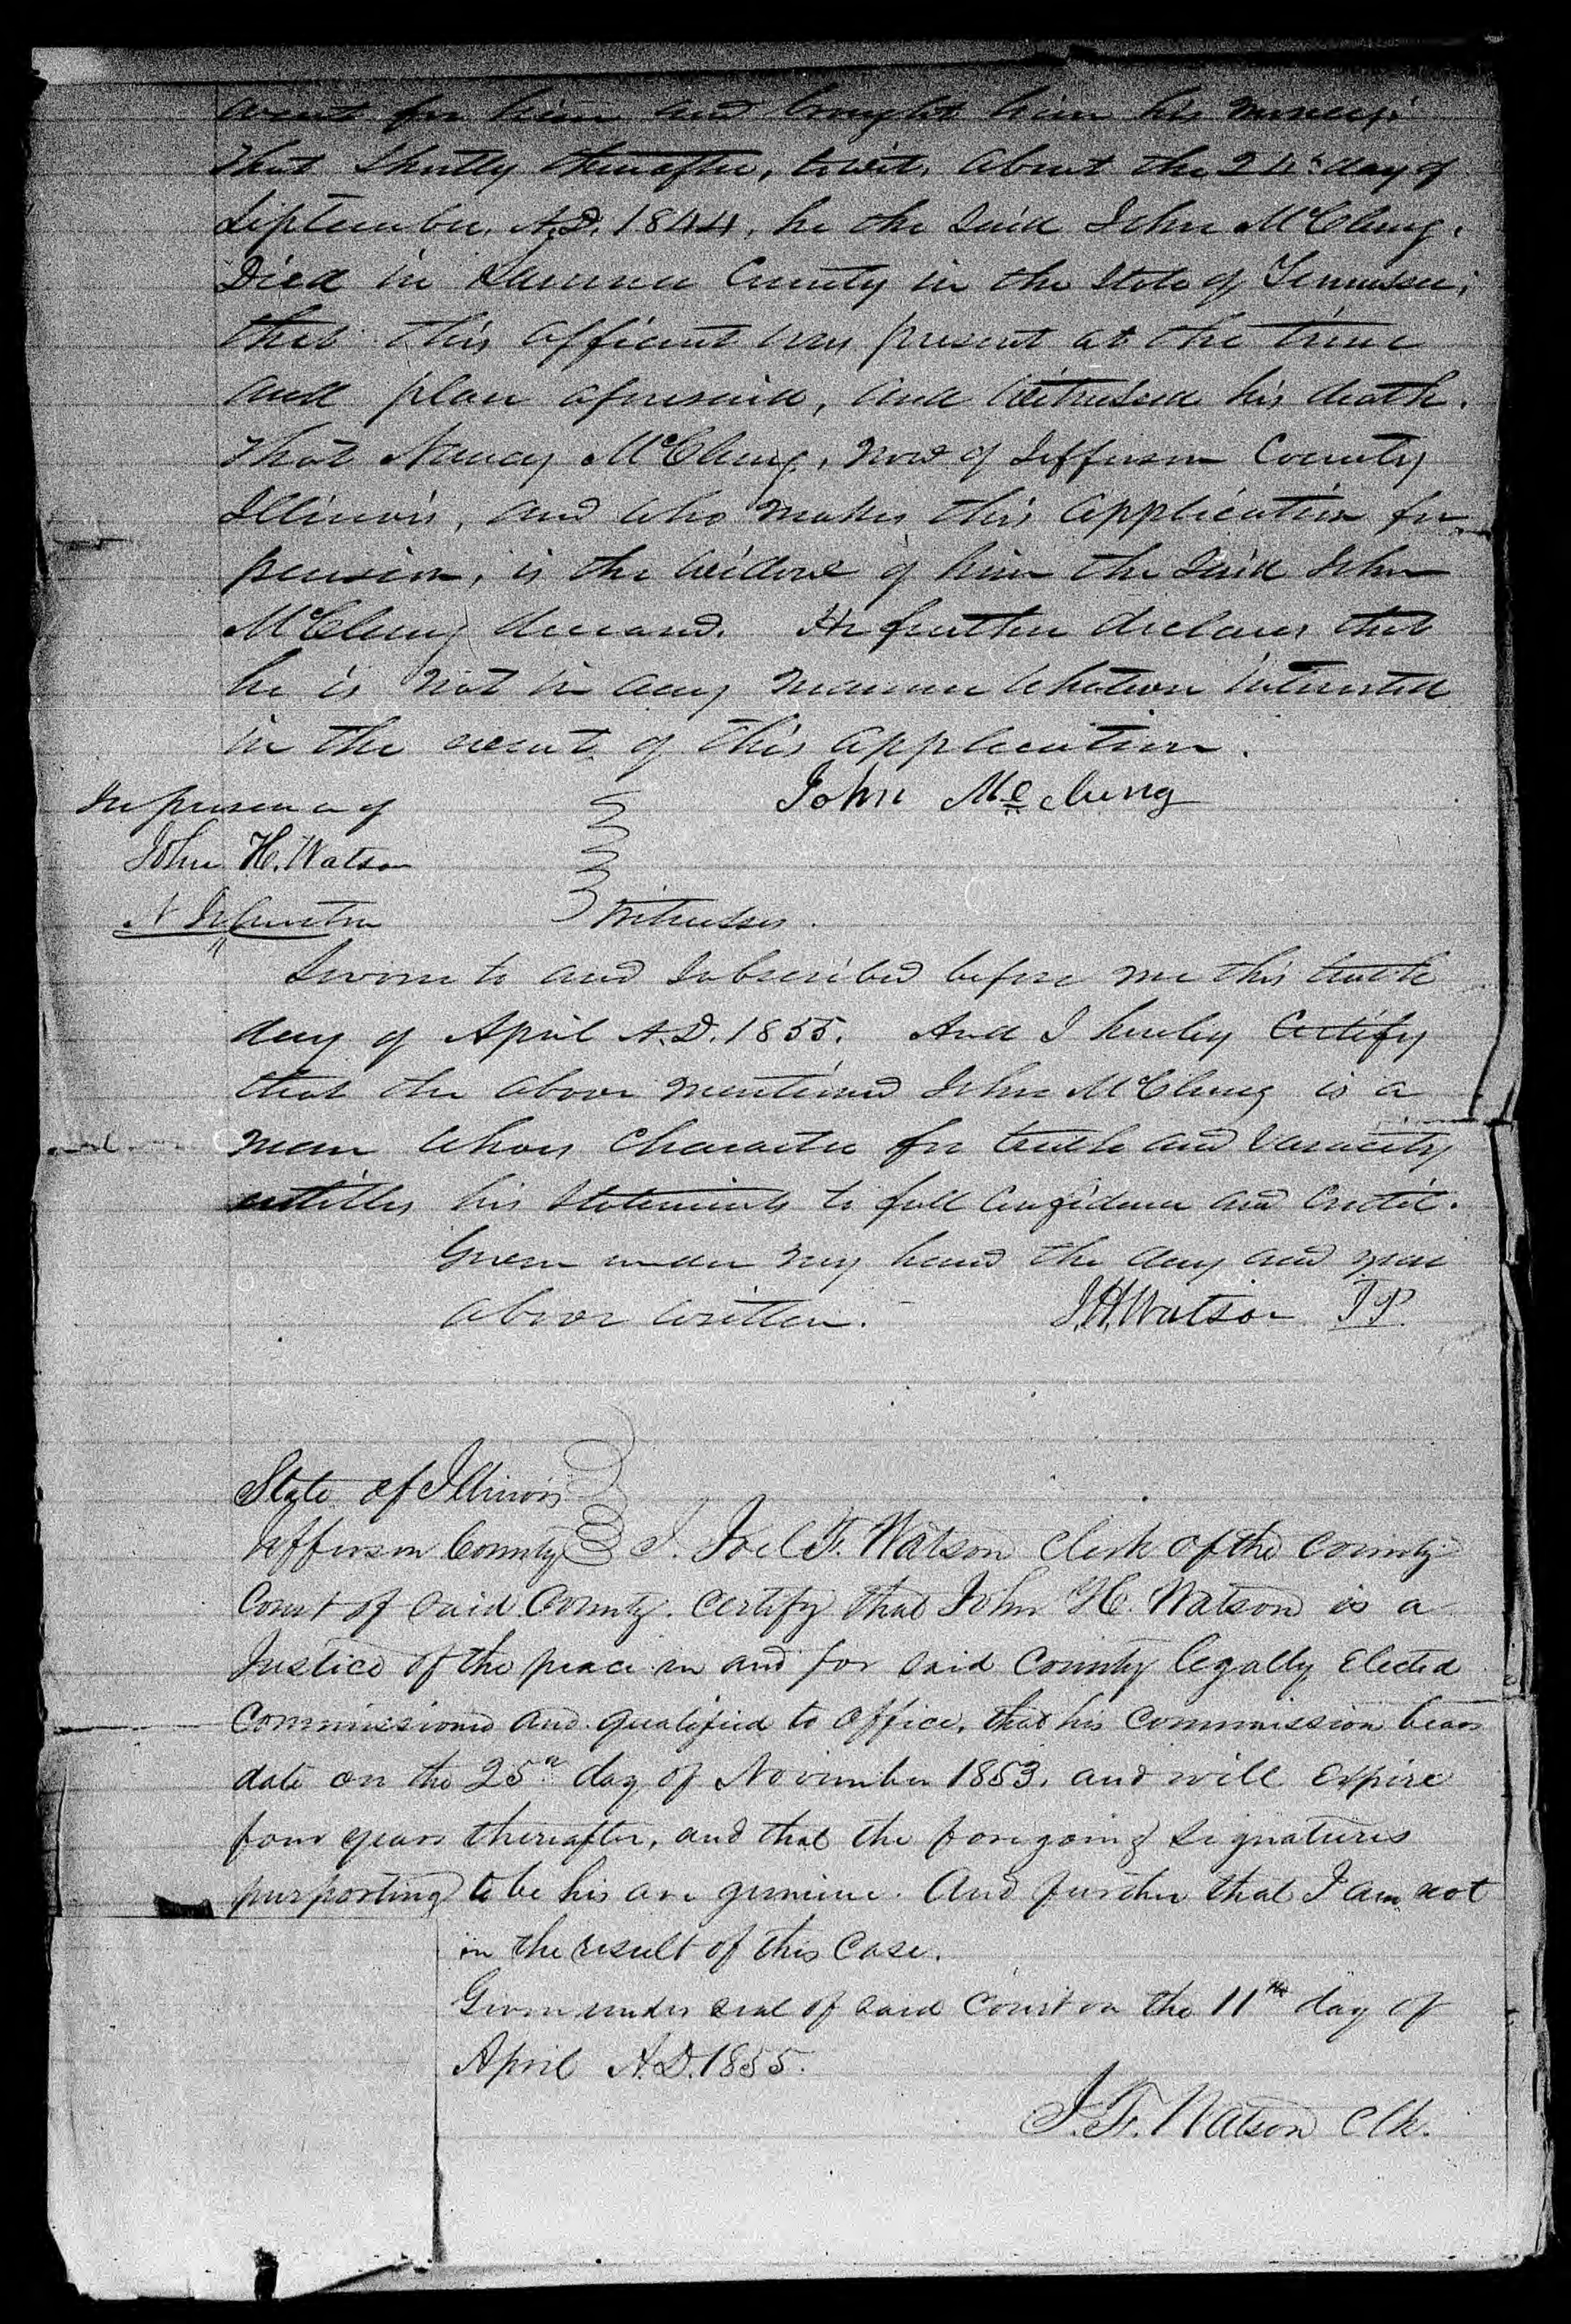went for him and brought him the money. 
That shortly thereafter, to wit, about the 24th day of 
September A.D. 1844, he the said John McClung, 
died in Sumner County in the State of Tennessee; 
that this affiant was present at the time 
and place aforesaid, and witnessed his death. 
That Nancy McClung, now of Jefferson County 
Illinois, and who makes this application for 
pension, is the widow of him the said John 
McClung, deceased.  He further declares that 
he is not in any manner whatever interested 
in the result of this application.
In presence of } John McClung 
John H. Watson }
N. Johnson } Witnesses 

Sworn to and subscribed before me this tenth 
day of April A.D. 1855. And I hereby certify 
that the above mentioned John McClung is a 
man whose character for truth and veracity 
entitles his statements to full confidence and credit.
Given under my hand the day and year 
above written.  J.H. Watson J.P.

State of Illinois }
Jefferson County } I Joel F Watson, Clerk of the County 
Court of said County, certify that John H. Watson is a 
Justice of the peace in and for said County legally elected 
commissioned and qualified to office, that his commission bears 
date on the 25th day of November 1853, and will expire 
four years thereafter, and that the foregoing signatures 
purporting to be his are genuine. And further that I am not 
[Text blocked by Seal] in the result of this case.
Given under seal of said Count on the 11th day of 
April A.D. 1855.
J.F. Watson Clk.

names: John Mc Clung; Nancy Mc Clung; Joel F Watson; N Johnston; John H Watson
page: 34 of 115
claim: widow's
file: W. 1446, for John Mc Clung, South Carolina